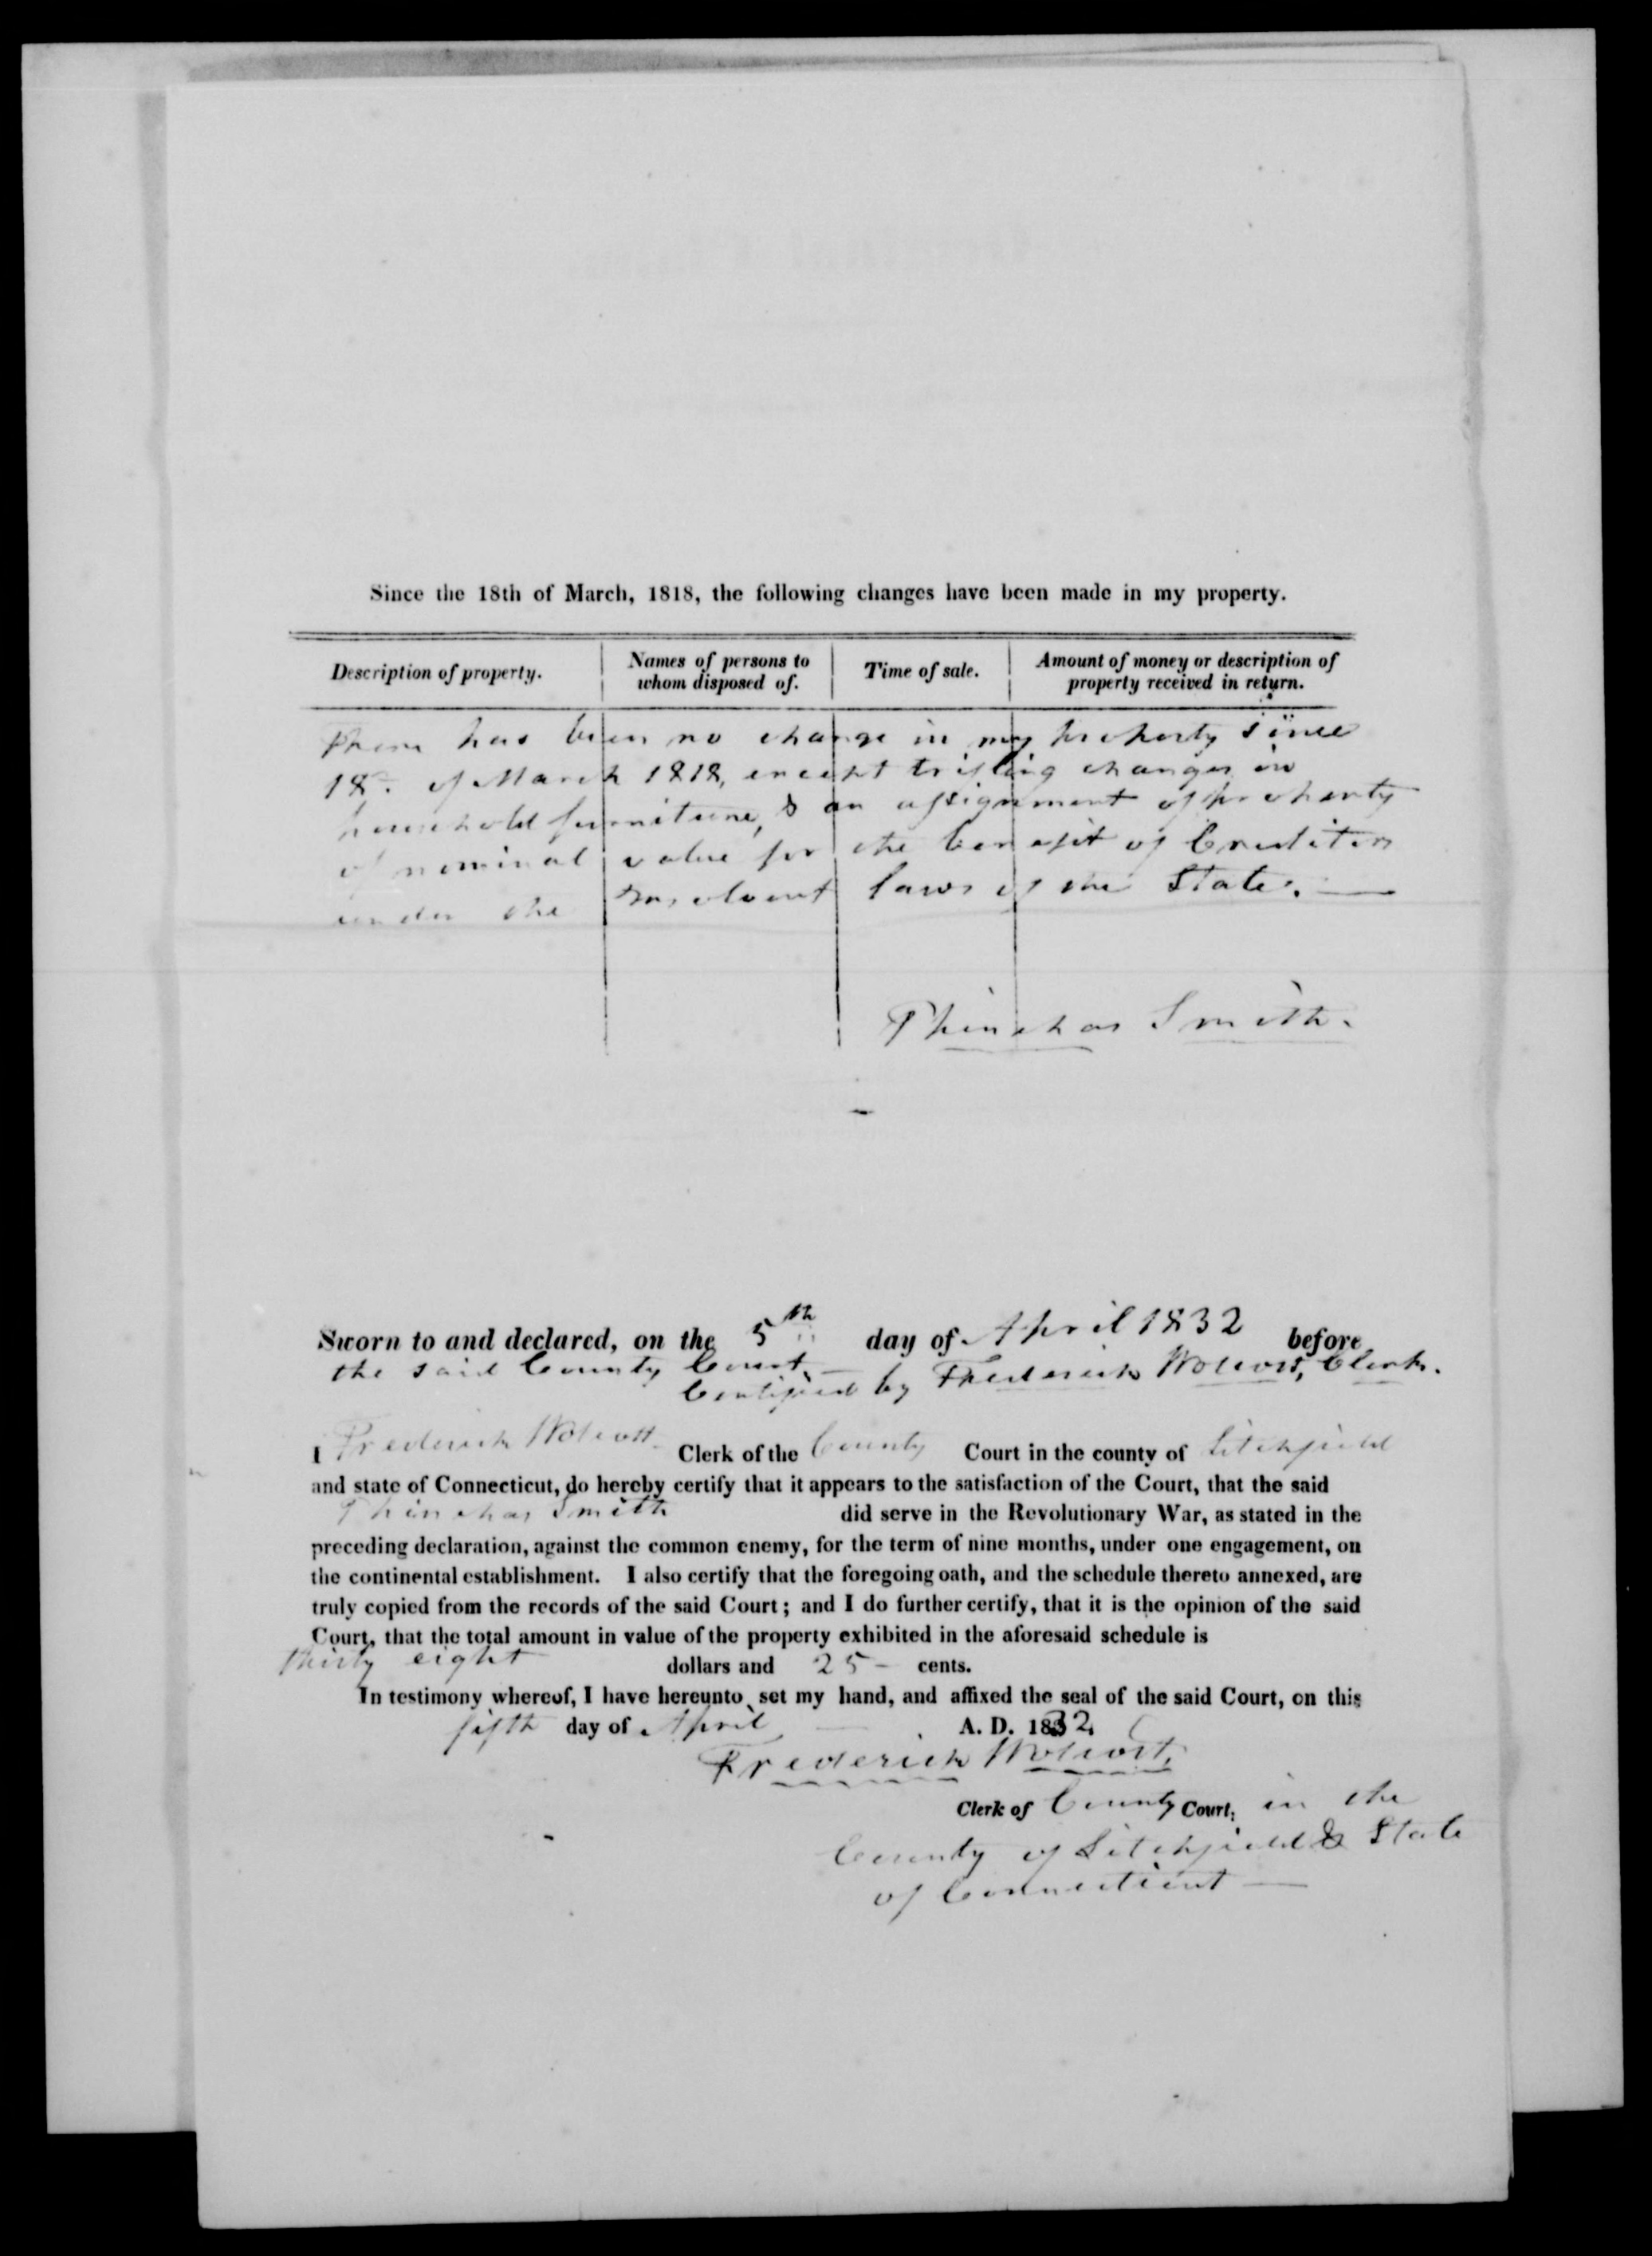Since the 18th of March, 1818, the following changes have been made in my property. Description of property.   Names of persons to whom disposed of.   Time of sale.   Amount of money or description of property received in return. 
There has been no change in my property since 18 of March 1818, except trifling changes in household furniture & an assignment of property of nominal value for the benefit of Creditors under the Merchant laws of the Stat 
Phinehas Smith 
Sworn to and declared, on the 5th day of April 1832 before the said County Court
Certified by the Clerk Frederick Wolcott Clerk 
I Frederick Wolcott Clerk of the County Court in the county of  Litchfield and state of Connecticut, do hereby certify that it appears to the satisfaction of the Court, that the said Phinehas Smith did serve in the Revolutionary War, as stated in the preceding declaration, against the common enemy, for the term of nine months, under one engagement, on the continental establishment. I also certify that the foregoing oath, and the schedule thereto annexed, are truly copied from the records of the said Court; and I do further certify, that it is the opinion of the said Court, that the total amount in value of the property exhibited in the aforesaid schedule is thirty eight dollars and 25 cents. 
In testimony whereof, I have hereunto set my hand, and affixed the seal of the said Court, on this fifth day of April A.D. 1832 
Frederick Wolcott 
Clerk of County Court in the County of Litchfield & State of Connecticut-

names: Phinehas Smith; Phinehas Smith; Frederick Wolcott; Frederick Wolcott; Frederick Wolcott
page: 7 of 55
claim: widow's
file: W. 11480, for Phinehas Smith, Connecticut